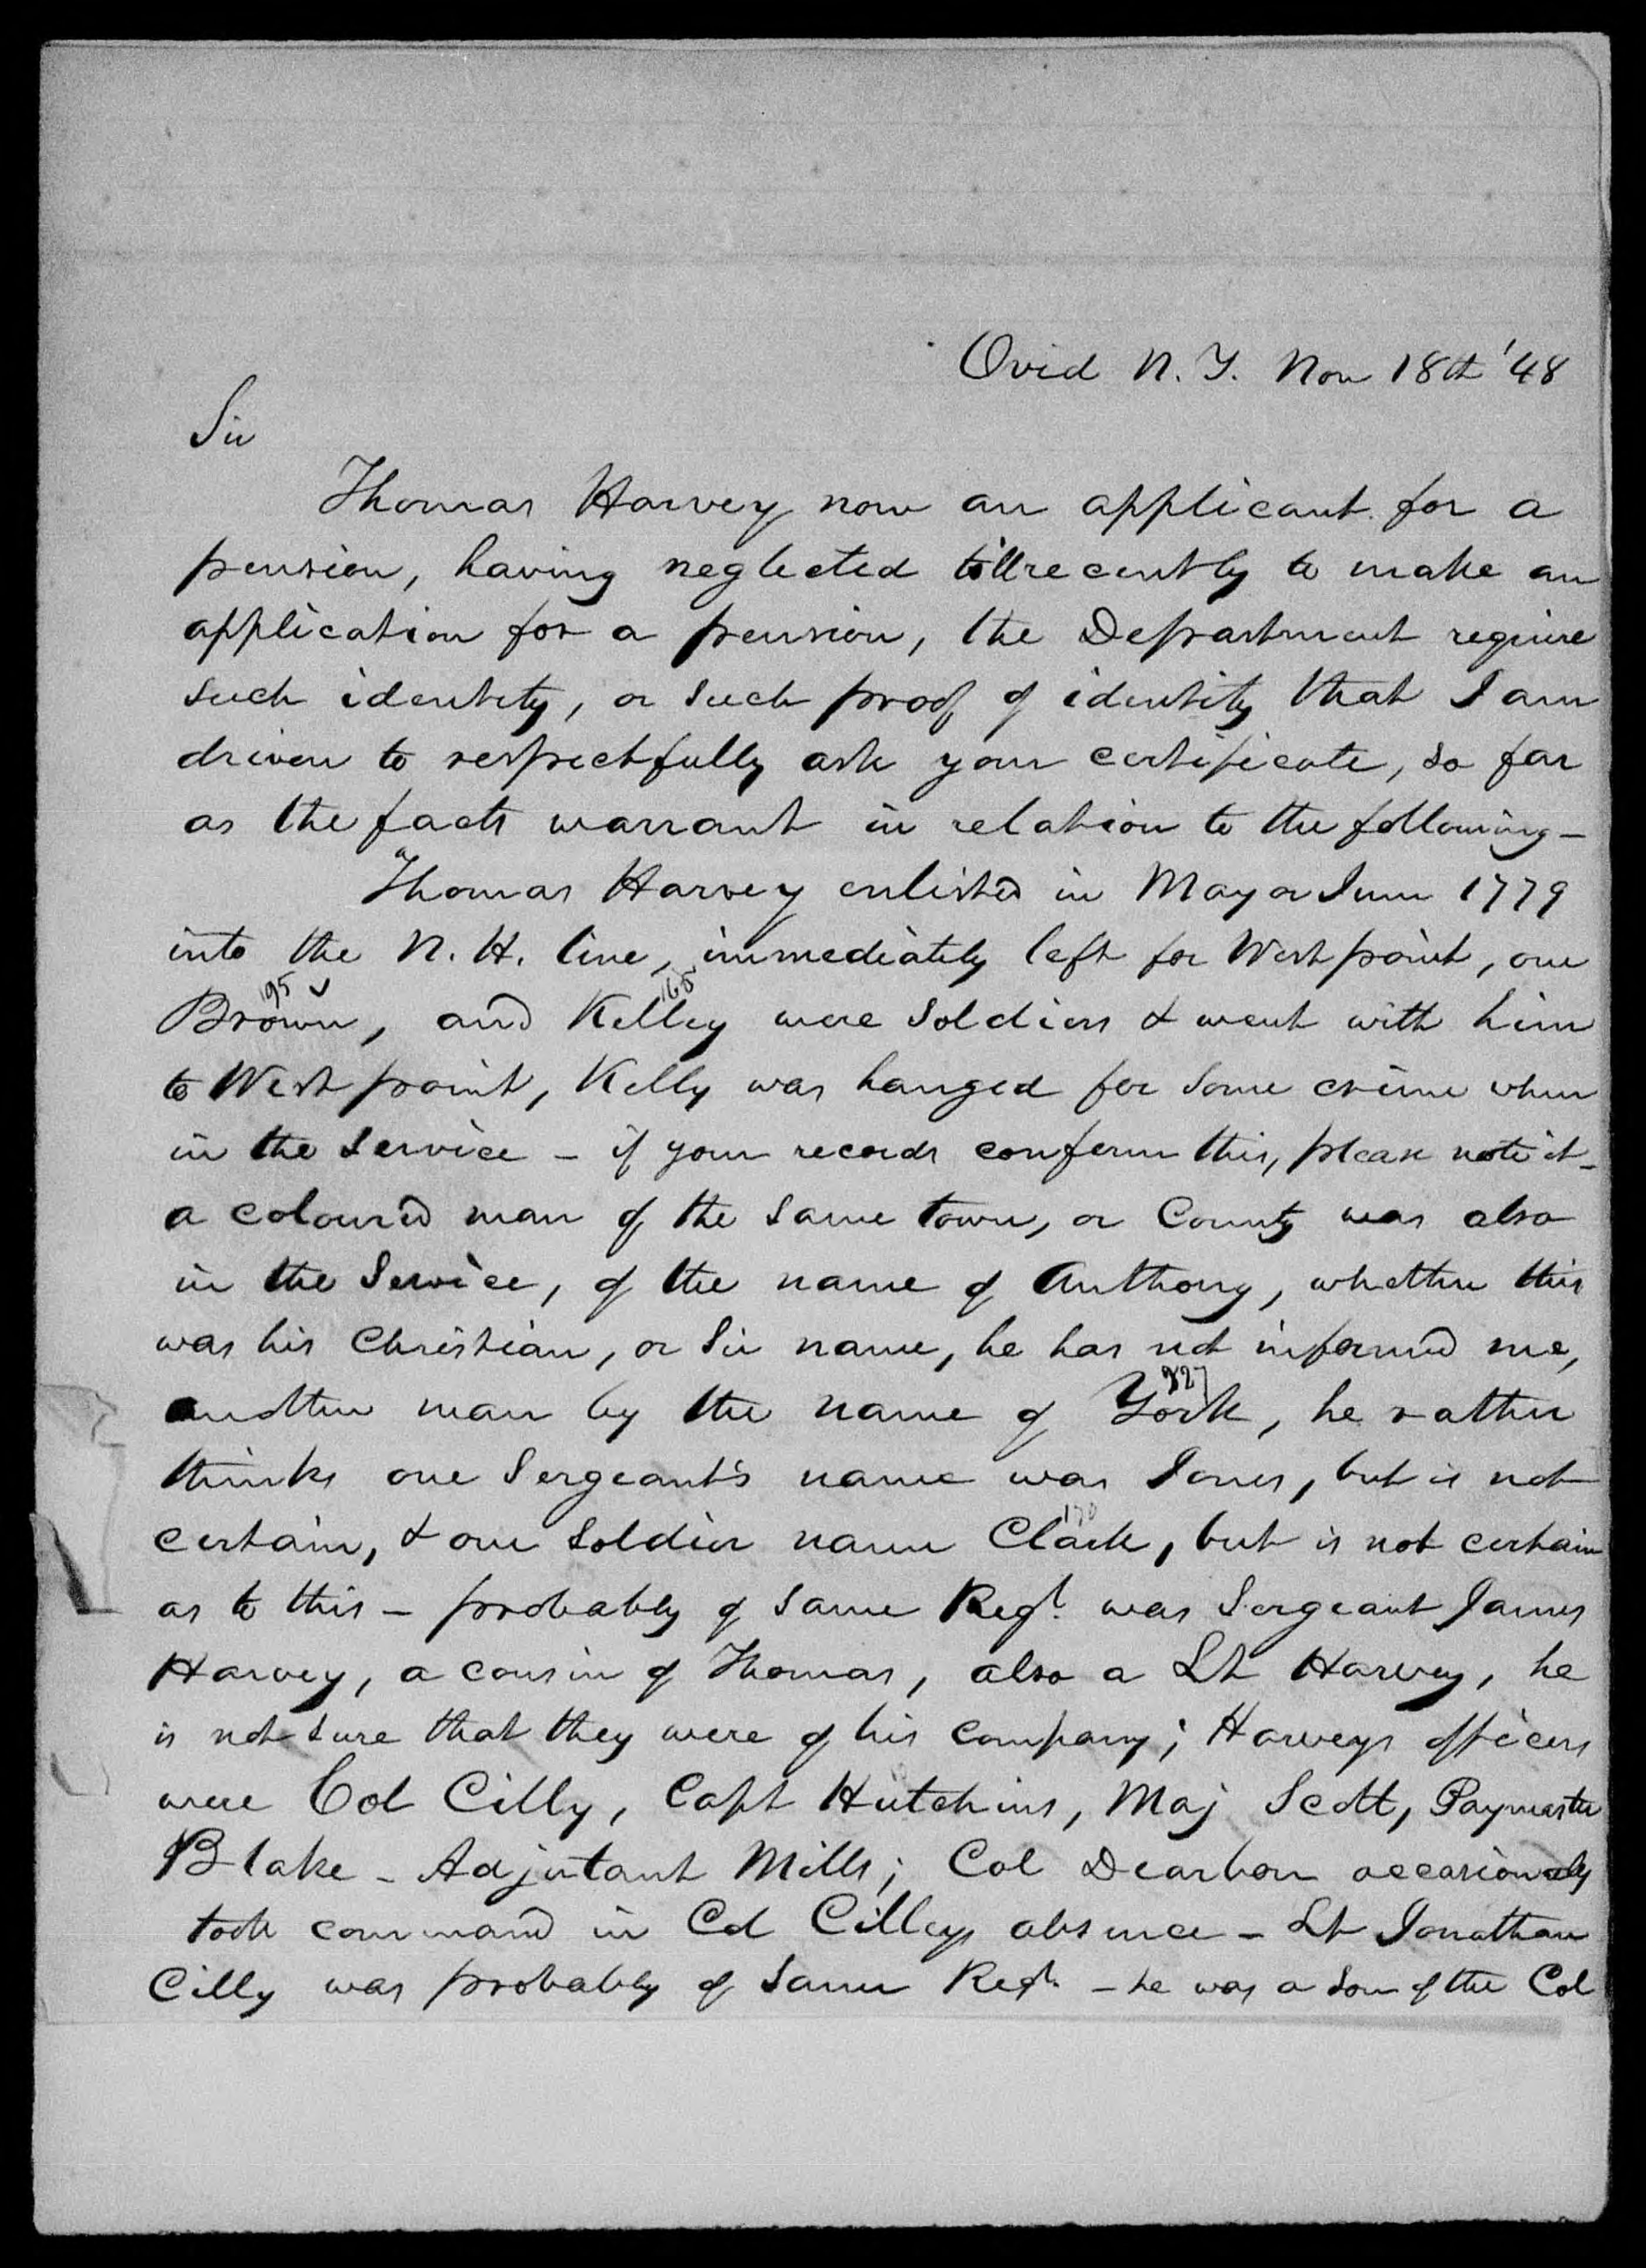[handwritten letter]
Ovid N.Y. Nov 18th '48

Sir
Thomas Harvey now an applicant for a pension, having neglected till recently to make an application for a pension, the Department require such identity, or such proof of identity that I am driven to respectfully ask your certificate, so far as the facts warrant in relation to the following - 
Thomas Harvey enlisted in May or June 1779 into the N.H. line, immediately left for West Point, one Brown, [margin note: 195] and Kelley [margin note: 165] were soldiers & went with him to West Point, Kelly was hanged for some crime when in the service - if your records confirm this, please note it - a coloured man of the same town, or County was also in the service, of the name of Anthony, whether this was his Christian, or Sir name, he has not informed  me, another man by the name of York, [margin note: 227] he rather thinks one Sergeant's name was Jones, but is not certain, & one soldier name Clark. [margin note: 170] but is not certain as to this - probably of same Reg't was Sergeant James Harvey, a cousin of Thomas, also a Lt. Harvey, he is not sure that they were of his company; Harvey's officers were Col Cilley, Capt Hutchins, Maj Scott, Paymaster Blake - Adjutant Mills; Col Dearborn occasionally took command in Col Cilley's absence - Lt Jonathan Cilley was probably of same Reg't - he was a son of the Col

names: Scott, Mills, Thomas, Brown, Harvey, Thomas Harvey, Thomas Harvey, Clark, Hutchins, Cilly, James Harvey, Blake, Anthony, Jonathan Cilly, Jones, Kelly, Harvey, Cilley, Dearborn, Kelley, York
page: 57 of 80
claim: survivor's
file: S. 18008, Thomas Harvey, N.H.